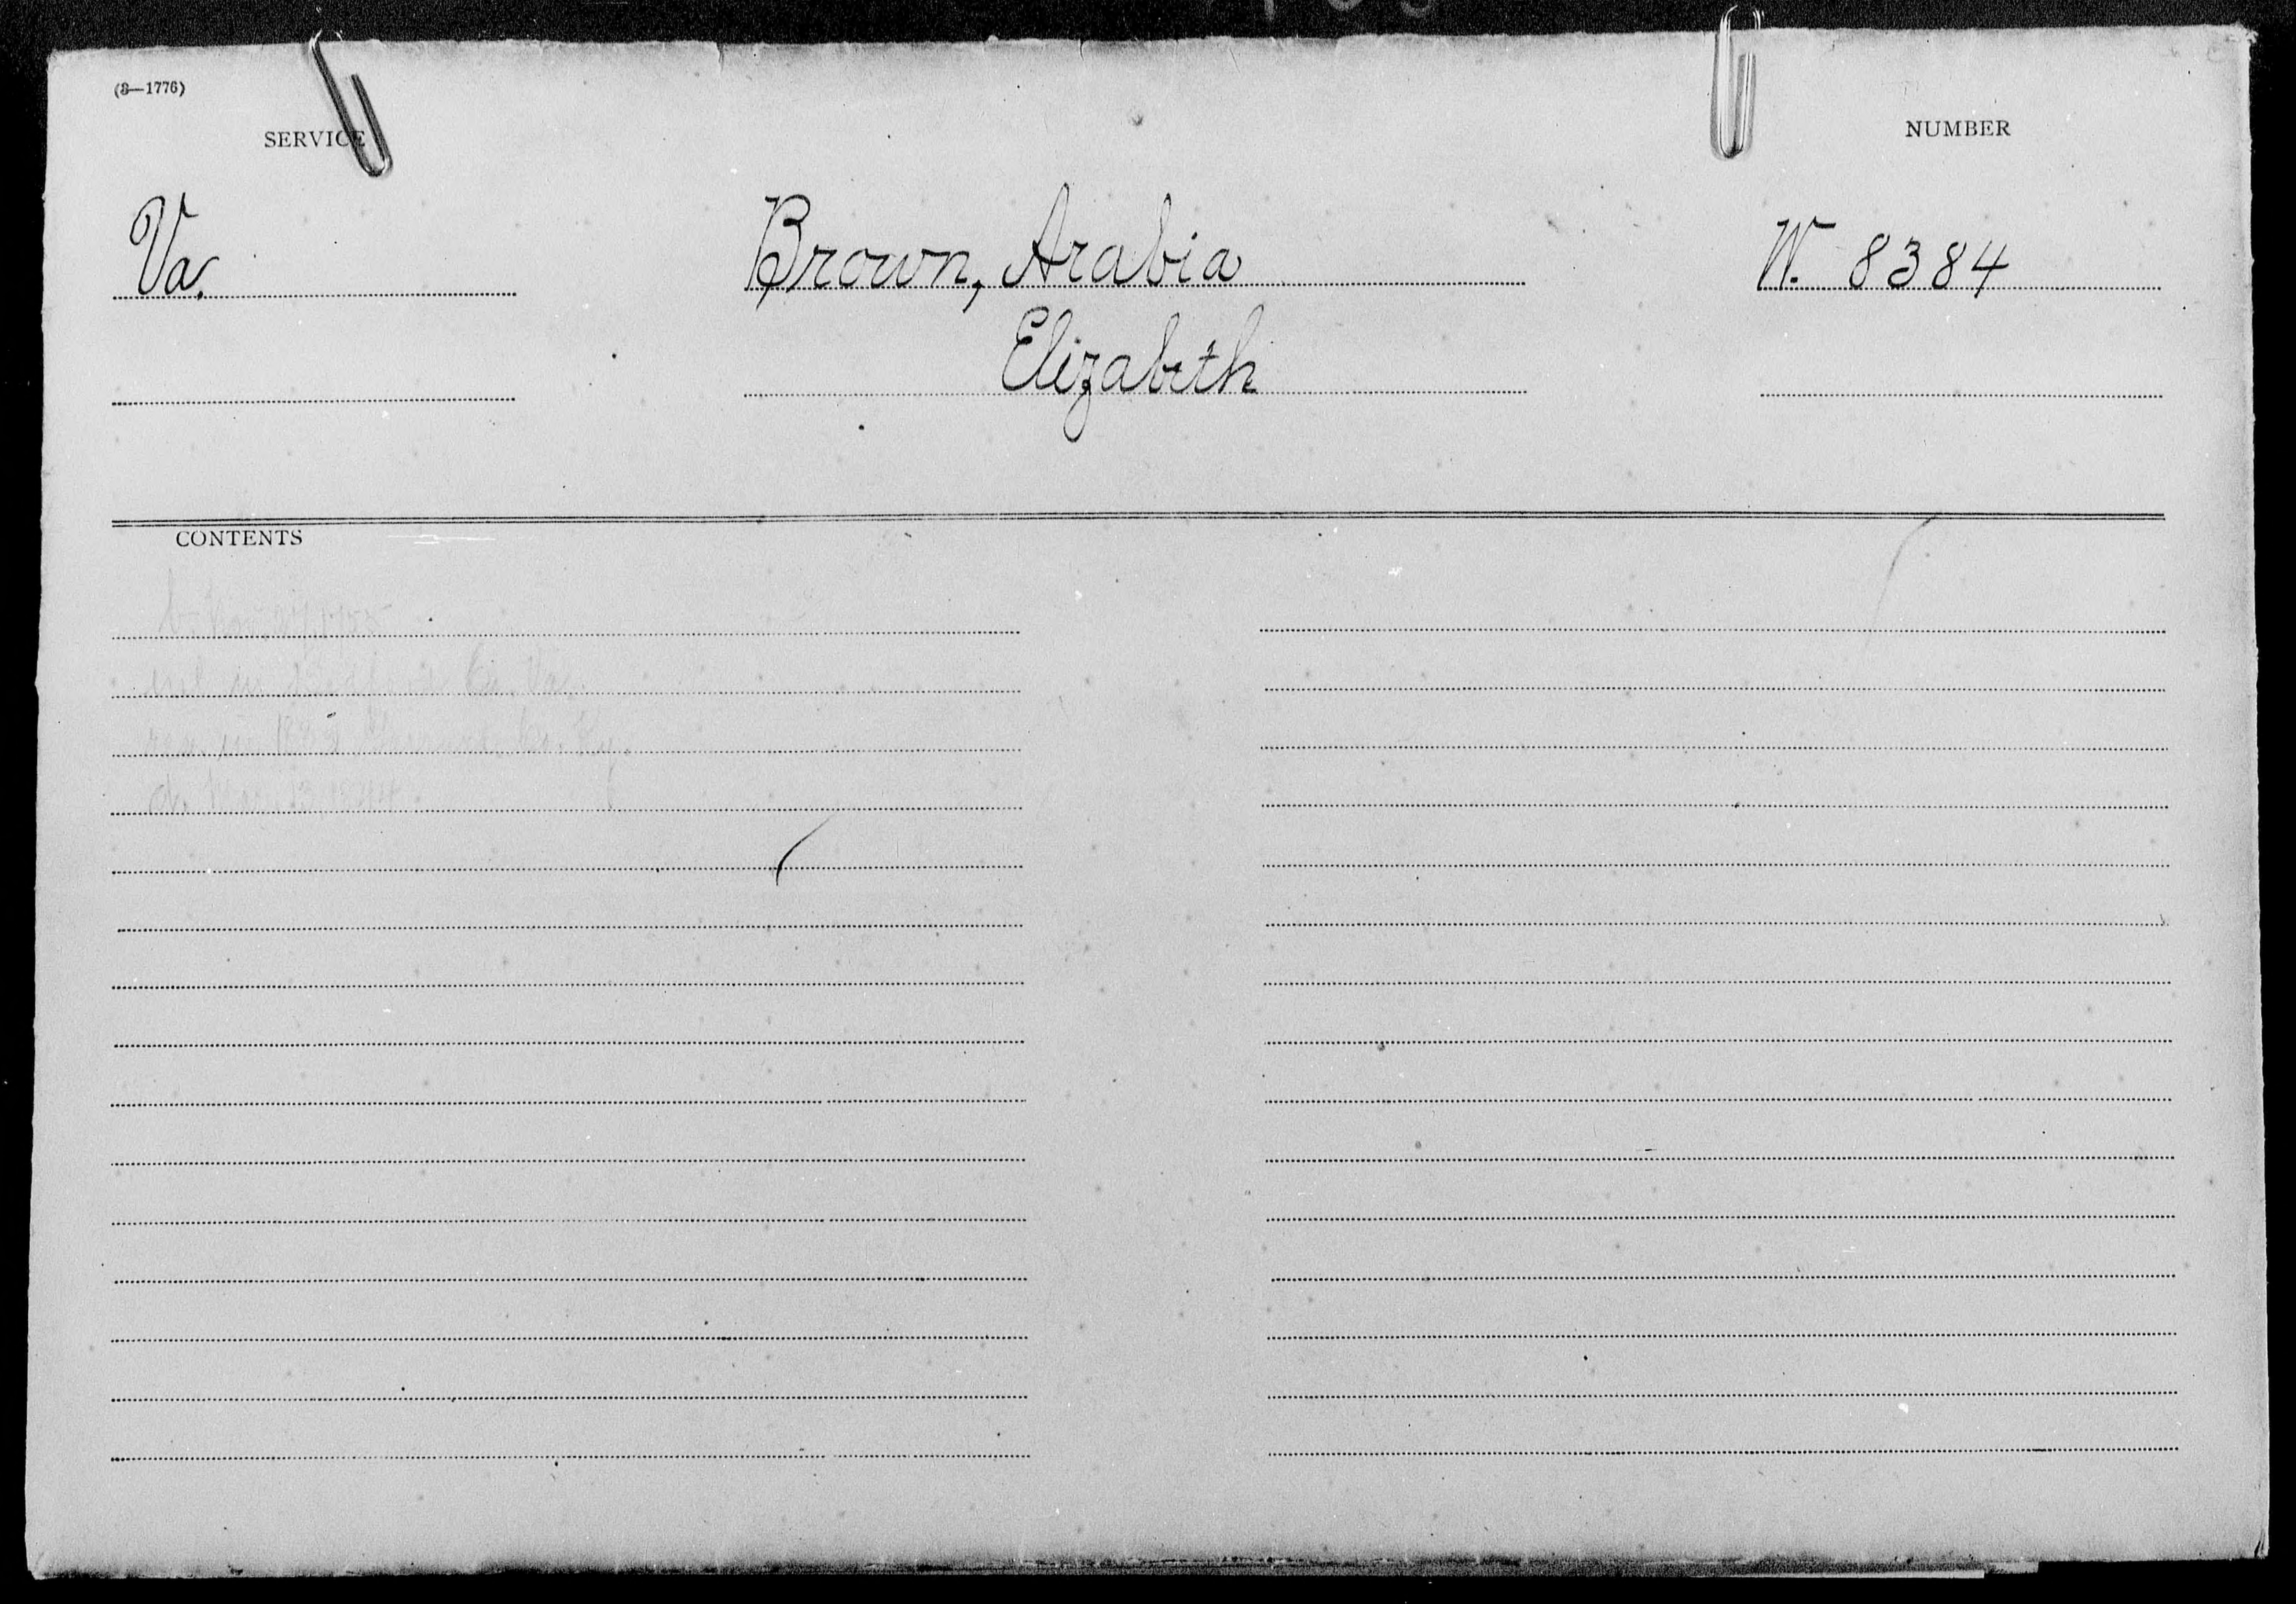(3-1776)
SERVICE
Va.
Brown, Arabia
Elizabeth
NUMBER
W. 8384
CONTENTS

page: 1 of 65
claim: widow's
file: W. 8384, Arabia Brown, Va.